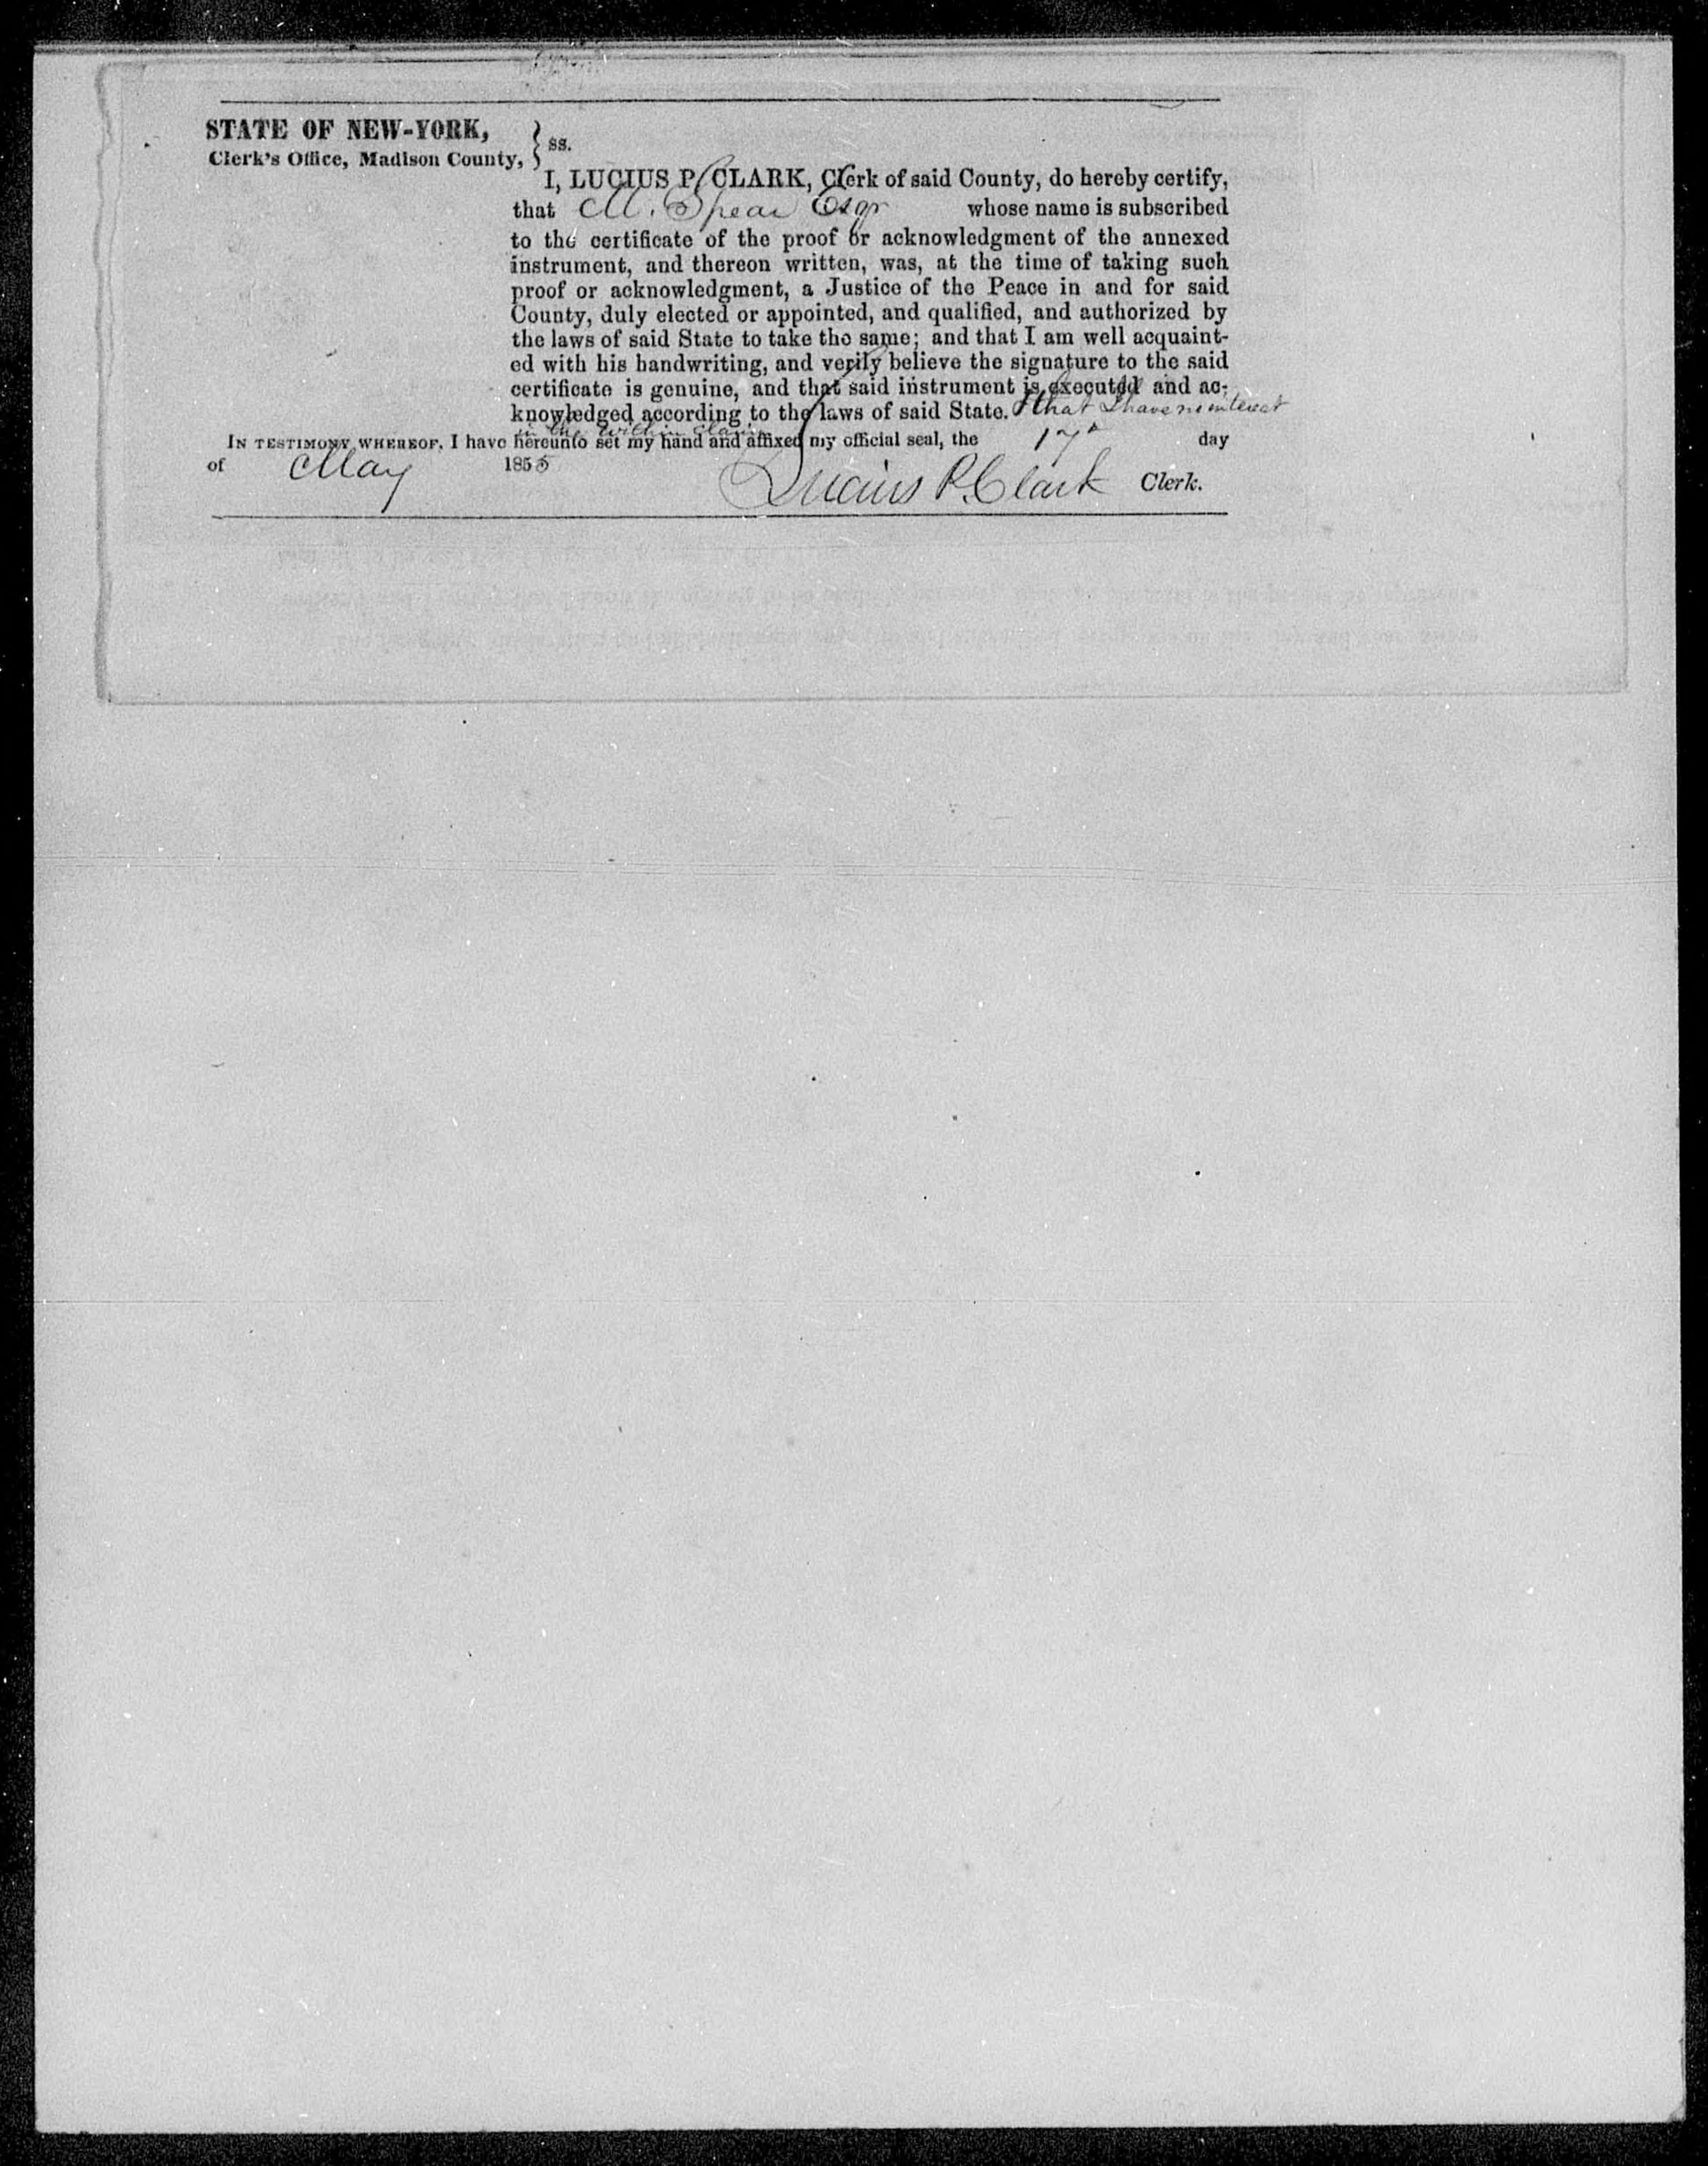STATE OF NEW-YORK,
Clerk's Office, Madison County, ss.

I, LUCIUS P. CLARK, Clerk of said County, do hereby certify, that M. Spear Esq. whose name is subscribed to the certificate of the proof or acknowledgement of the annexed instrument, and thereon written, was, at the time of taking such proof or acknowledgement, a Justice of the Peace in and for said County, duly elected or appointed, and qualified, and authorized by the laws of said State to take the same; and that I am well acquainted with his handwriting, and verily believe the signature to the said certificate is genuine, and that said instrument is executed and acknowledged according to the laws of said State. & that I have no interest in the within claim.

IN TESTIMONY WHEREOF, I have hereunto set my hand and affixed my official seal, the 17th day of May 1855

Lucius P. Clark Clerk.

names: Lucius P Clark, M Spear, Lucius P Clark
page: 22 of 61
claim: survivor's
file: S. 22798, Paul Griffiths, R.I.